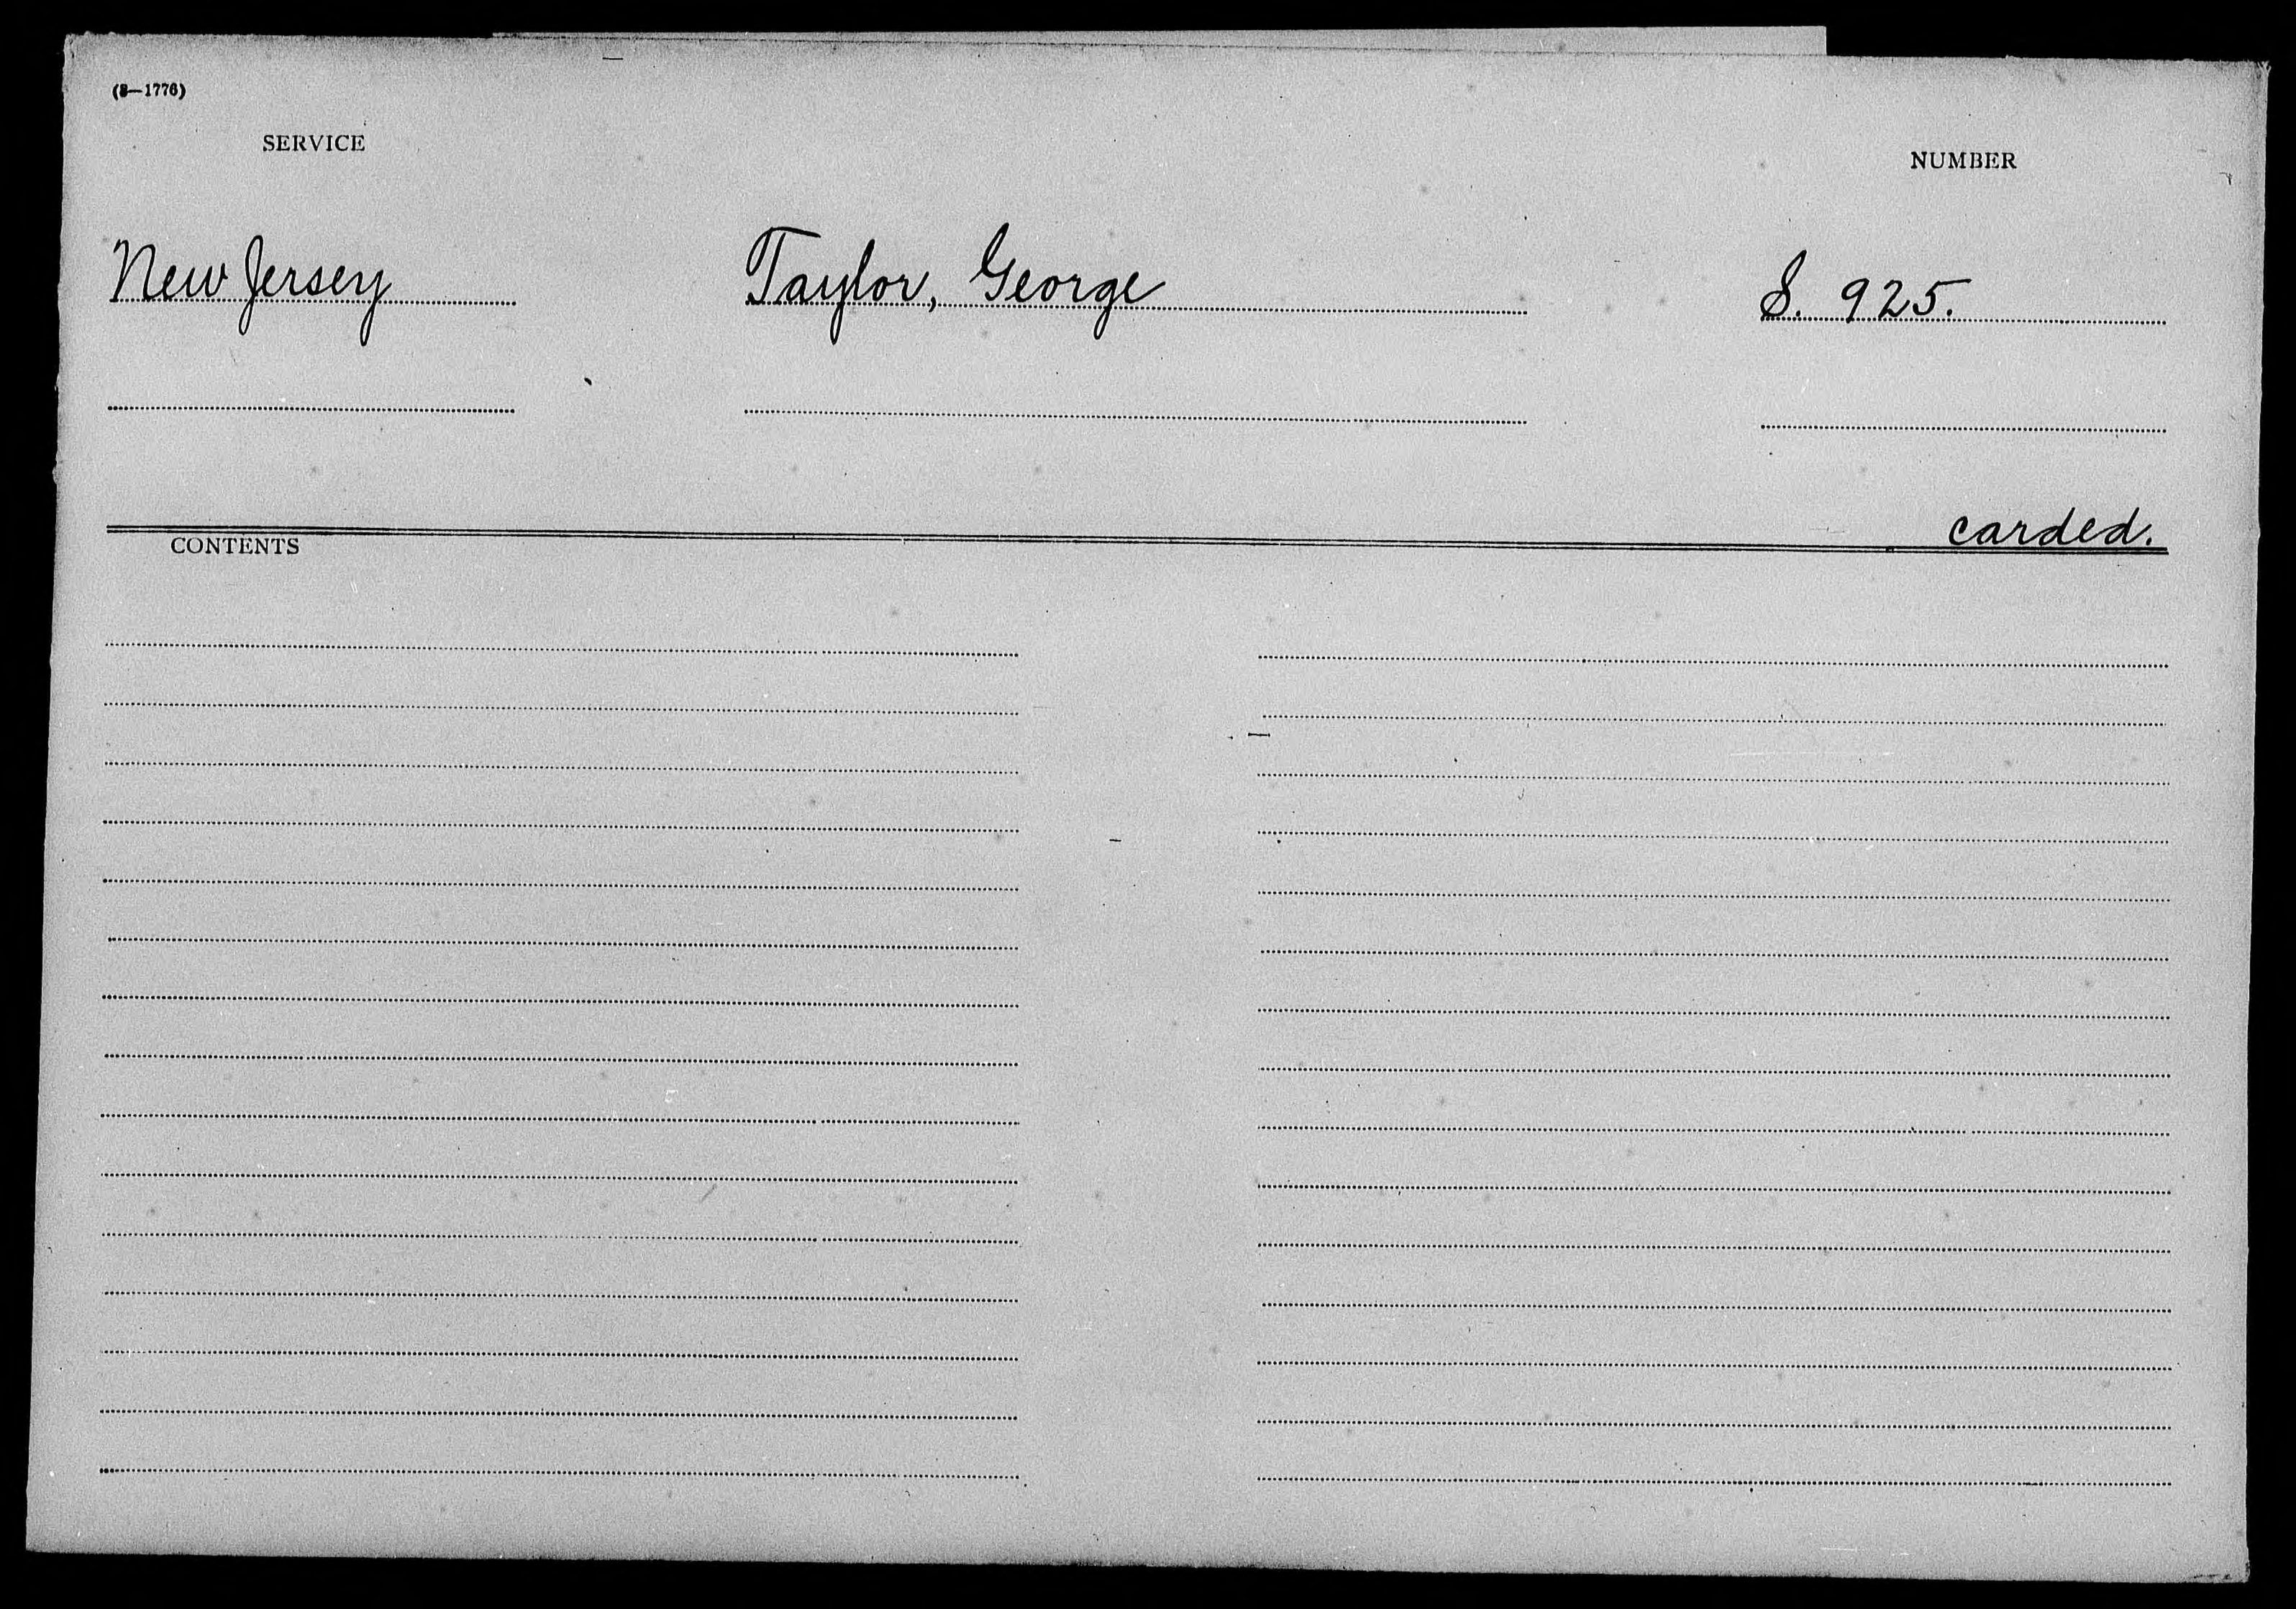S-1776
Service New Jersey
Name Taylor, George 
Number S. 925

Contents  Carded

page: 1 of 33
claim: survivor's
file: S. 925, for George Taylor, New Jersey